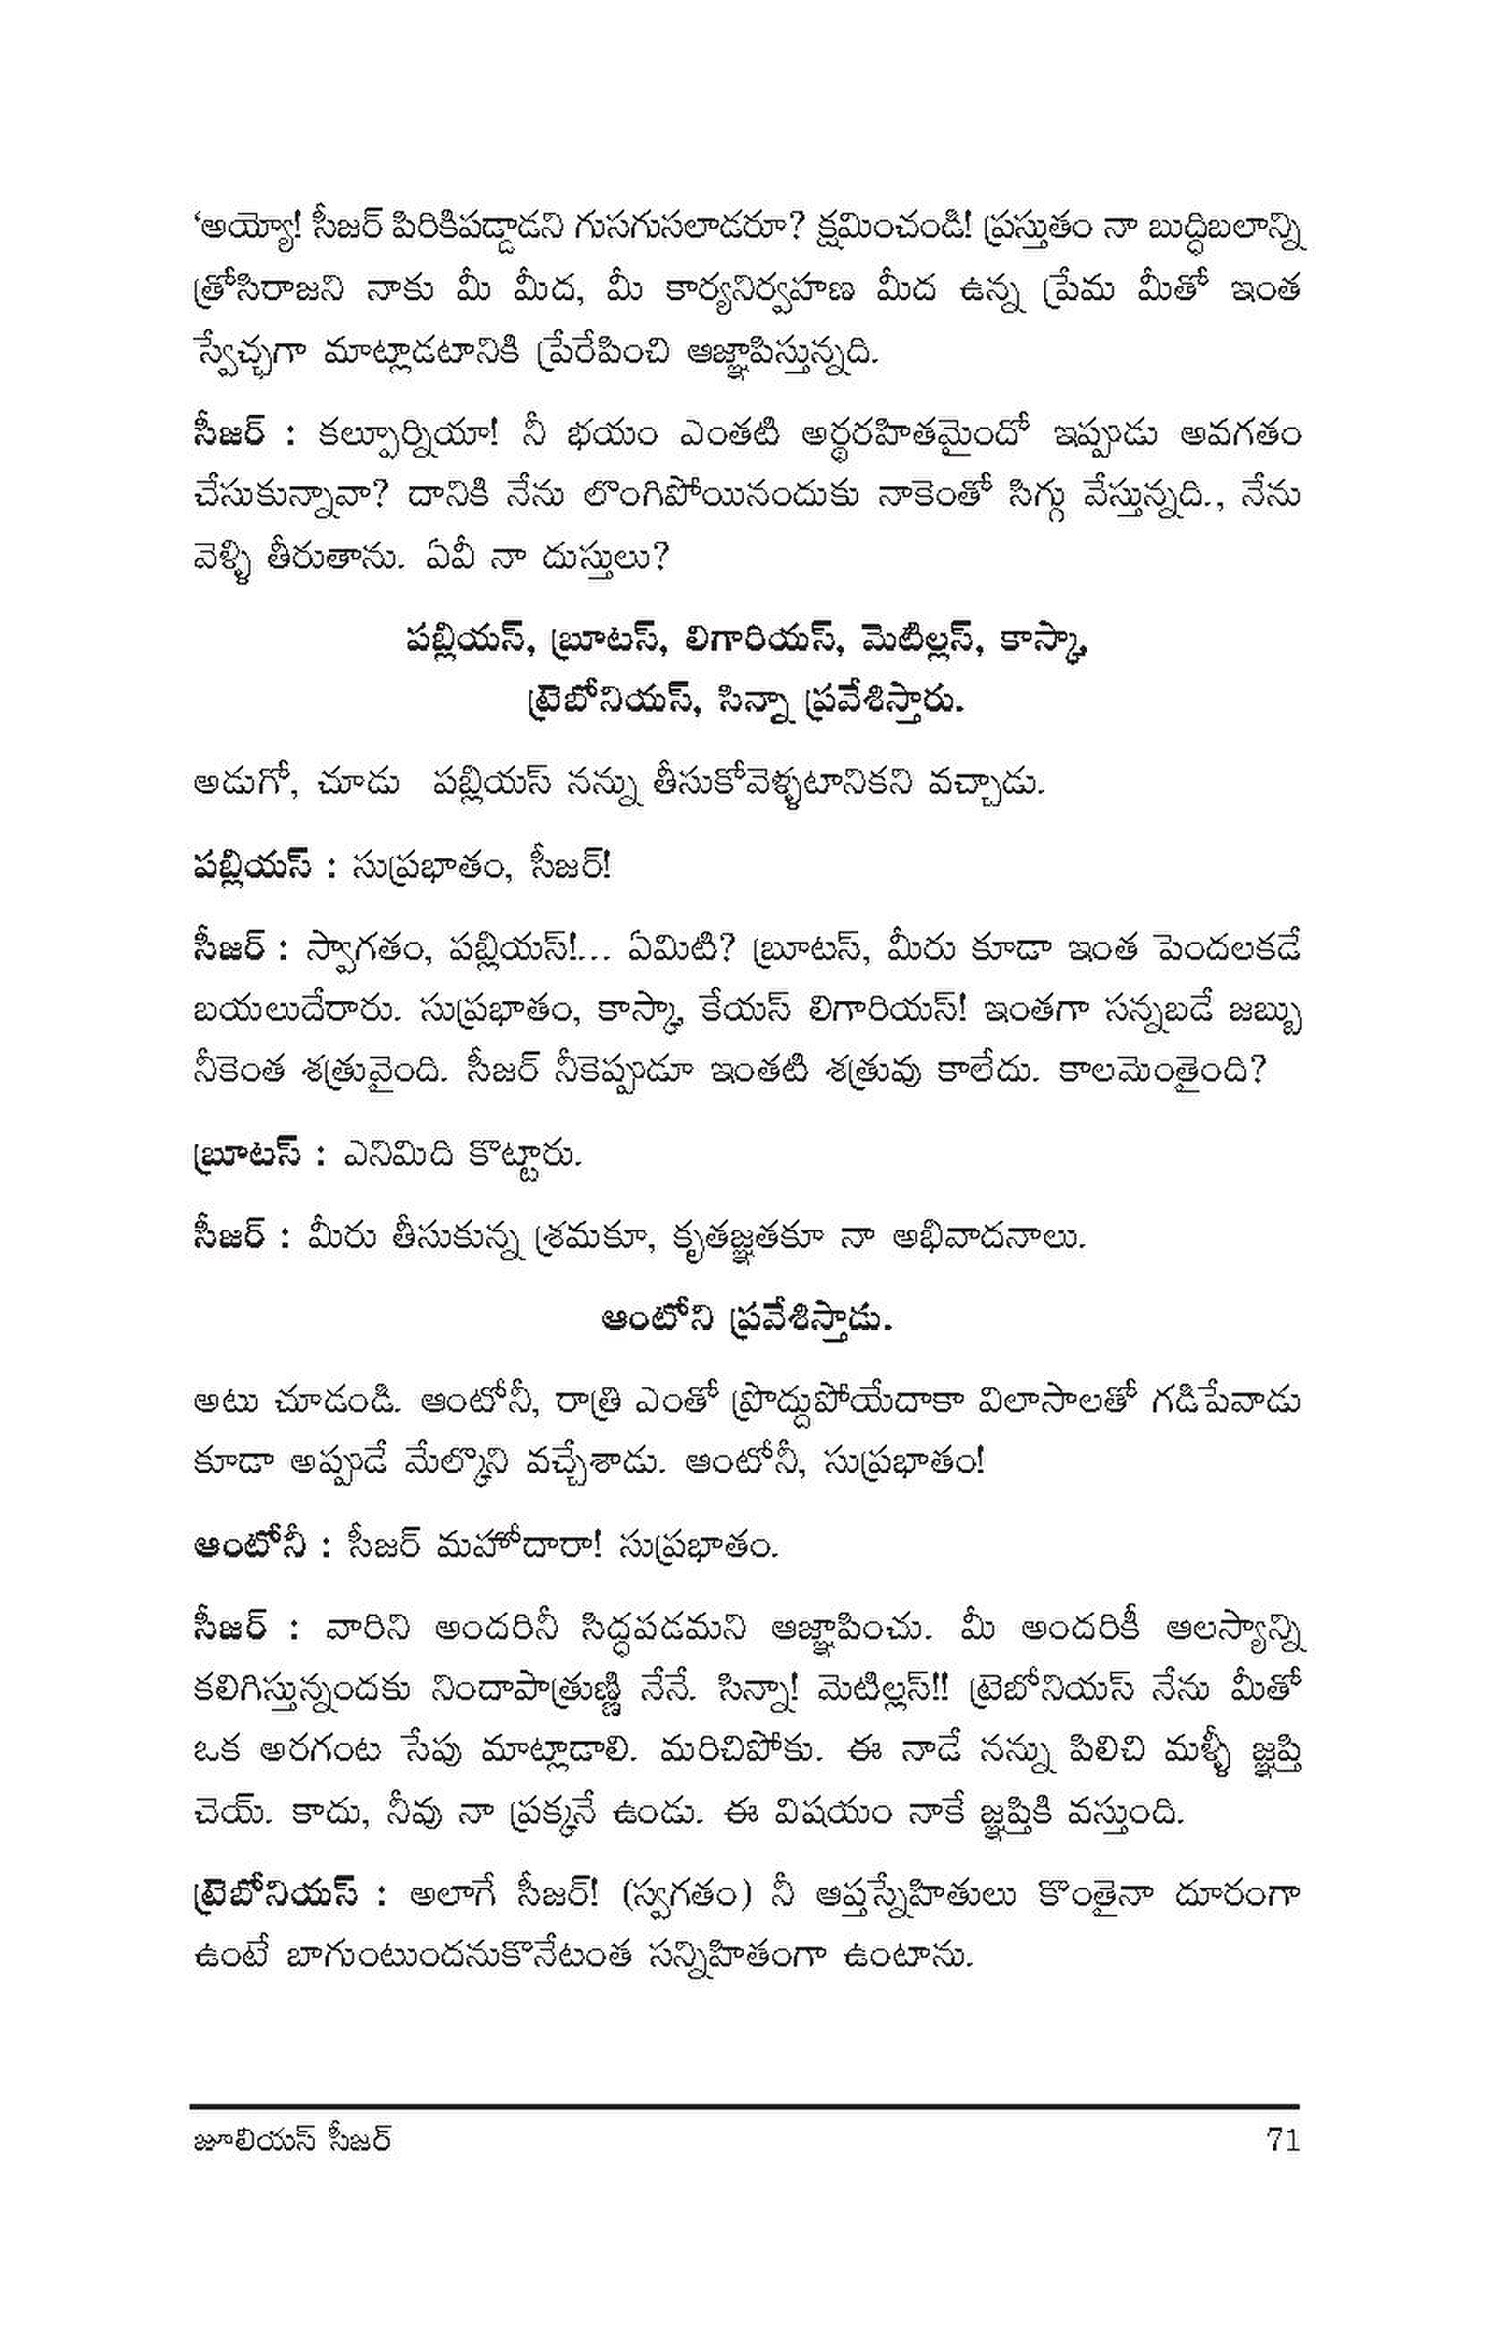'అయ్యో! సీజర్ పిరికిపడ్డాడని గుసగుసలాడరూ? క్షమించండి! ప్రస్తుతం నా బుద్ధిబలాన్ని త్రోసిరాజని నాకు మీ మీద, మీ కార్యనిర్వహణ మీద ఉన్న ప్రేమ మీతో ఇంత స్వేచ్ఛగా మాట్లాడటానికి ప్రేరేపించి ఆజ్ఞాపిస్తున్నది.

సీజర్ : కల్పూర్నియా! నీ భయం ఎంతటి అర్థరహితమైందో ఇప్పుడు అవగతం చేసుకున్నావా? దానికి నేను లొంగిపోయినందుకు నాకెంతో సిగ్గు వేస్తున్నది., నేను వెళ్ళి తీరుతాను. ఏవీ నా దుస్తులు?

అడుగో, చూడు పబ్లియస్ నన్ను తీసుకోవెళ్ళటానికని వచ్చాడు.

పబ్లియస్ : సుప్రభాతం, సీజర్!

సీజర్ : స్వాగతం, పబ్లియస్!... ఏమిటి? బ్రూటస్, మీరు కూడా ఇంత పెందలకడ బయలుదేరారు. సుప్రభాతం, కాస్కా, కేయస్ లిగారియస్! ఇంతగా సన్నబడే జబ్బు నీకెంత శత్రువైంది. సీజర్ నీకెప్పుడూ ఇంతటి శత్రువు కాలేదు. కాలమెంతైంది?

బ్రూటస్ : ఎనిమిది కొట్టారు.

సీజర్ : మీరు తీసుకున్న శ్రమకూ, కృతజ్ఞతకూ నా అభివాదనాలు.

అటు చూడండి. ఆంటోనీ, రాత్రి ఎంతో ప్రొద్దుపోయేదాకా విలాసాలతో గడిపేవాడు కూడా అప్పుడే మేల్కొని వచ్చేశాడు. ఆంటోనీ, సుప్రభాతం!

ఆంటోనీ : సీజర్ మహోదారా! సుప్రభాతం.

సీజర్ : వారిని అందరినీ సిద్ధపడమని అజ్ఞాపించు. మీ అందరికీ ఆలస్యాన్ని కలిగిస్తున్నందకు నిందాపాత్రుణ్ణి నేనే. సిన్నా! మెటిల్లస్!! ట్రెబోనియస్ నేను మీతో ఒక అరగంట సేపు మాట్లాడాలి. మరిచిపోకు. ఈ నాడే నన్ను పిలిచి మళ్ళీ జ్ఞప్తి చెయ్. కాదు, నీవు నా ప్రక్కనే ఉండు. ఈ విషయం నాకే జ్ఞప్తికి వస్తుంది.

ట్రెబోనియస్ : అలాగే సీజర్! (స్వగతం) నీ ఆప్తస్నేహితులు కొంతైనా దూరంగా ఉంటే బాగుంటుందనుకొనేటంత సన్నిహితంగా ఉంటాను.